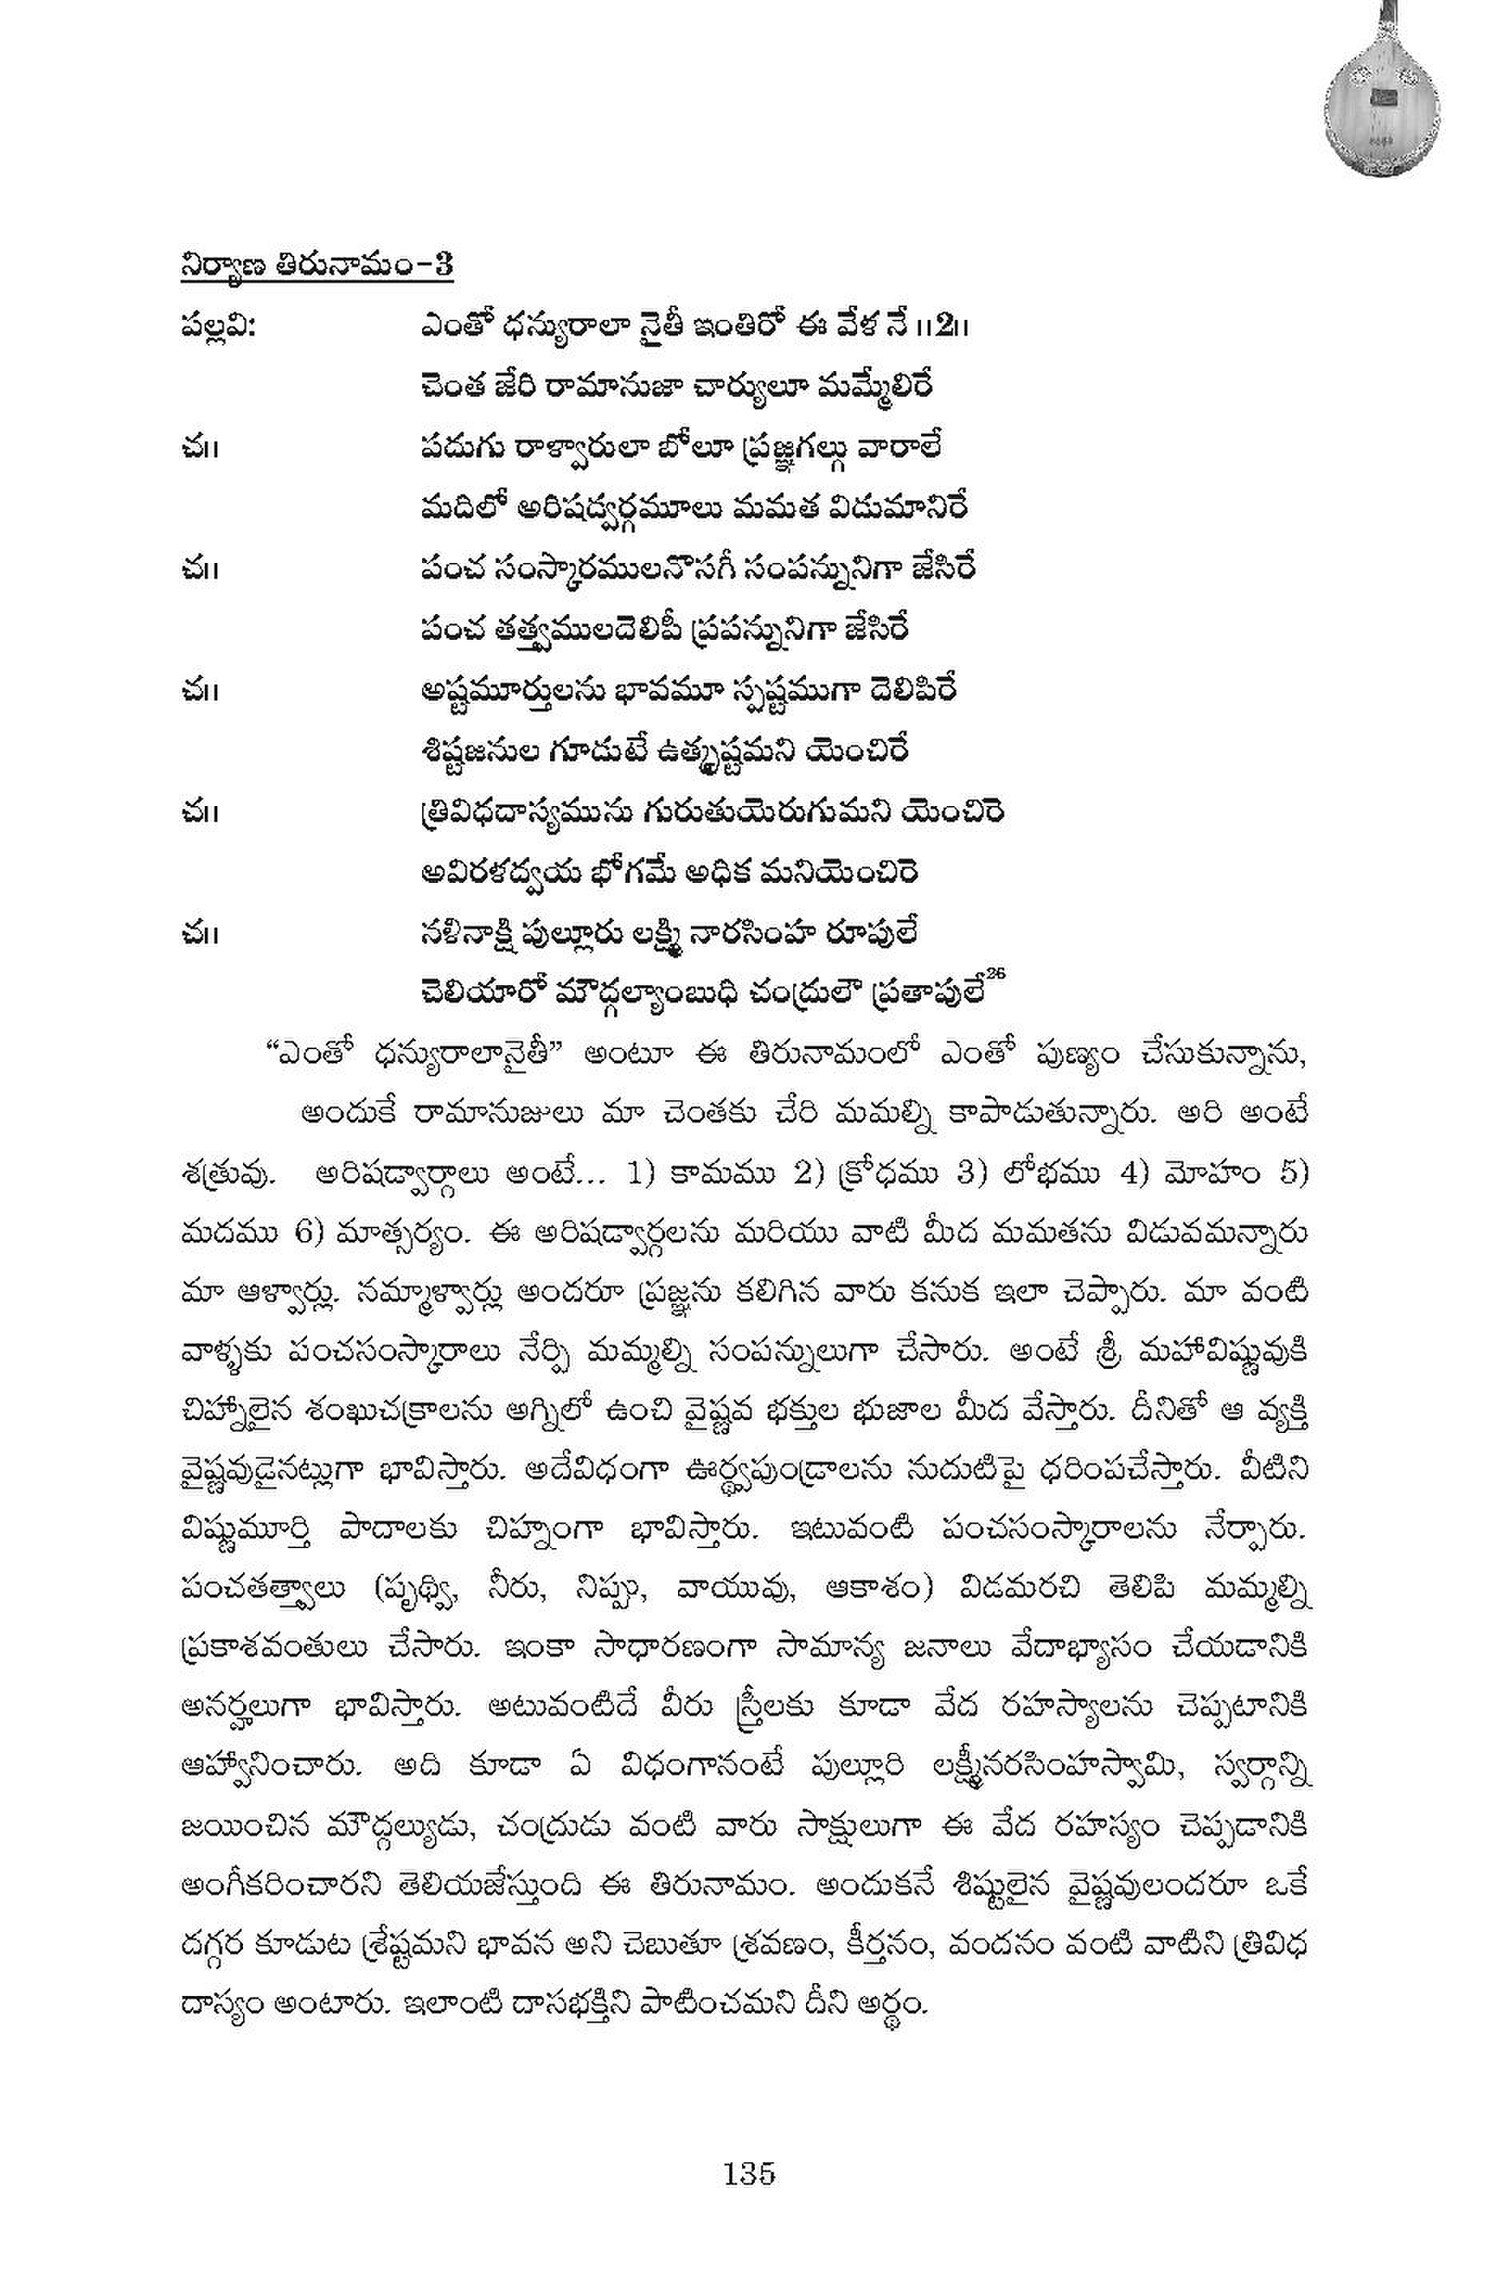నిర్వాణ తిరునామం-3

పల్లవి: ఎంతో ధన్యురాలా నైతీ ఇంతిరో ఈ వేళ నే ॥2॥
చెంత జేరి రామానుజా చార్యులూ మమ్మేలిరే

చ౹౹ పదుగు రాళ్వారులా బోలూ ప్రజ్ఞగల్గు వారాలే
మదిలో అరిషడ్వర్గమూలు మమత విడుమానిరే

చ౹౹ పంచ సంస్కారములనొసగీ సంపన్నునిగా జేసిరే
పంచ తత్త్వములదెలిపి ప్రపన్నునిగా జేసిరే

చ౹౹ అష్టమూర్తులను భావమూ స్పష్టముగా దెలిపిరే
శిష్టజనుల గూడుటే ఉత్కృష్టమని యెంచిరే

చ౹౹ త్రివిధదాస్యమును గురుతుయెరుగుమని యెంచిరె
అవిరళద్వయ భోగమే అధిక మనియెంచిరె

చ౹౹ నళినాక్షి పుల్లూరు లక్ష్మి నారసింహ రూపులే
చెలియారో మౌద్గల్యాంబుధి చంద్రులౌ ప్రతాపులే26

“ఎంతో ధన్యురాలనైతీ” అంటూ ఈ తిరునామంలో ఎంతో పుణ్యం చేసుకున్నాను, అందుకే రామానుజులు మా చెంతకు చేరి మమల్ని కాపాడుతున్నారు. అరి అంటే శత్రువు. అరిషడ్వార్గాలు అంటే... 1) కామము 2) క్రోధము 3) లోభము 4) మోహం 5) మదము 6) మాత్సర్యం. ఈ అరిషడ్వార్గాలను మరియు వాటి మీద మమతను విడువమన్నారు మా ఆళ్వార్లు. నమ్మాళ్వార్లు అందరూ ప్రజ్ఞను కలిగిన వారు కనుక ఇలా చెప్పారు. మా వంటి వాళ్ళకు పంచసంస్కారాలు నేర్పి మమ్మల్ని సంపన్నులుగా చేసారు. అంటే శ్రీ మహావిష్ణువుకి చిహ్నాలైన శంఖుచక్రాలను అగ్నిలో ఉంచి వైష్ణవ భక్తుల భుజాల మీద వేస్తారు. దీనితో ఆ వ్యక్తి వైష్ణవుడైనట్లుగా భావిస్తారు. అదేవిధంగా ఊర్థ్వపుండ్రాలను నుదుటిపై ధరింపచేస్తారు. వీటిని
విష్ణుమూర్తి పాదాలకు చిహ్నంగా భావిస్తారు. ఇటువంటి పంచసంస్కారాలను నేర్పారు. పంచతత్వాలు (పృథ్వి, నీరు, నిప్పు, వాయువు, ఆకాశం) విడమరచి తెలిపి మమ్మల్ని ప్రకాశవంతులు చేసారు. ఇంకా సాధారణంగా సామాన్య జనాలు వేదాభ్యాసం చేయడానికి అనర్హులుగా భావిస్తారు. అటువంటిదే వీరు స్త్రీలకు కూడా వేద రహస్యాలను చెప్పటానికి
ఆహ్వానించారు. అది కూడా ఏ విధంగానంటే పుల్లూరి లక్ష్మీనరసింహస్వామి, స్వర్గాన్ని జయించిన మౌద్గల్యుడు, చంద్రుడు వంటి వారు సాక్షులుగా ఈ వేద రహస్యం చెప్పడానికి అంగీకరించారని తెలియజేస్తుంది ఈ తిరునామం. అందుకనే శిష్టులైన వైష్ణవులందరూ ఒకే దగ్గర కూడుట శ్రేష్టమని భావన అని చెబుతూ శ్రవణం, కీర్తనం, వందనం వంటి వాటిని త్రివిధ
దాస్యం అంటారు. ఇలాంటి దాసభక్తిని పాటించమని దీని అర్థం.